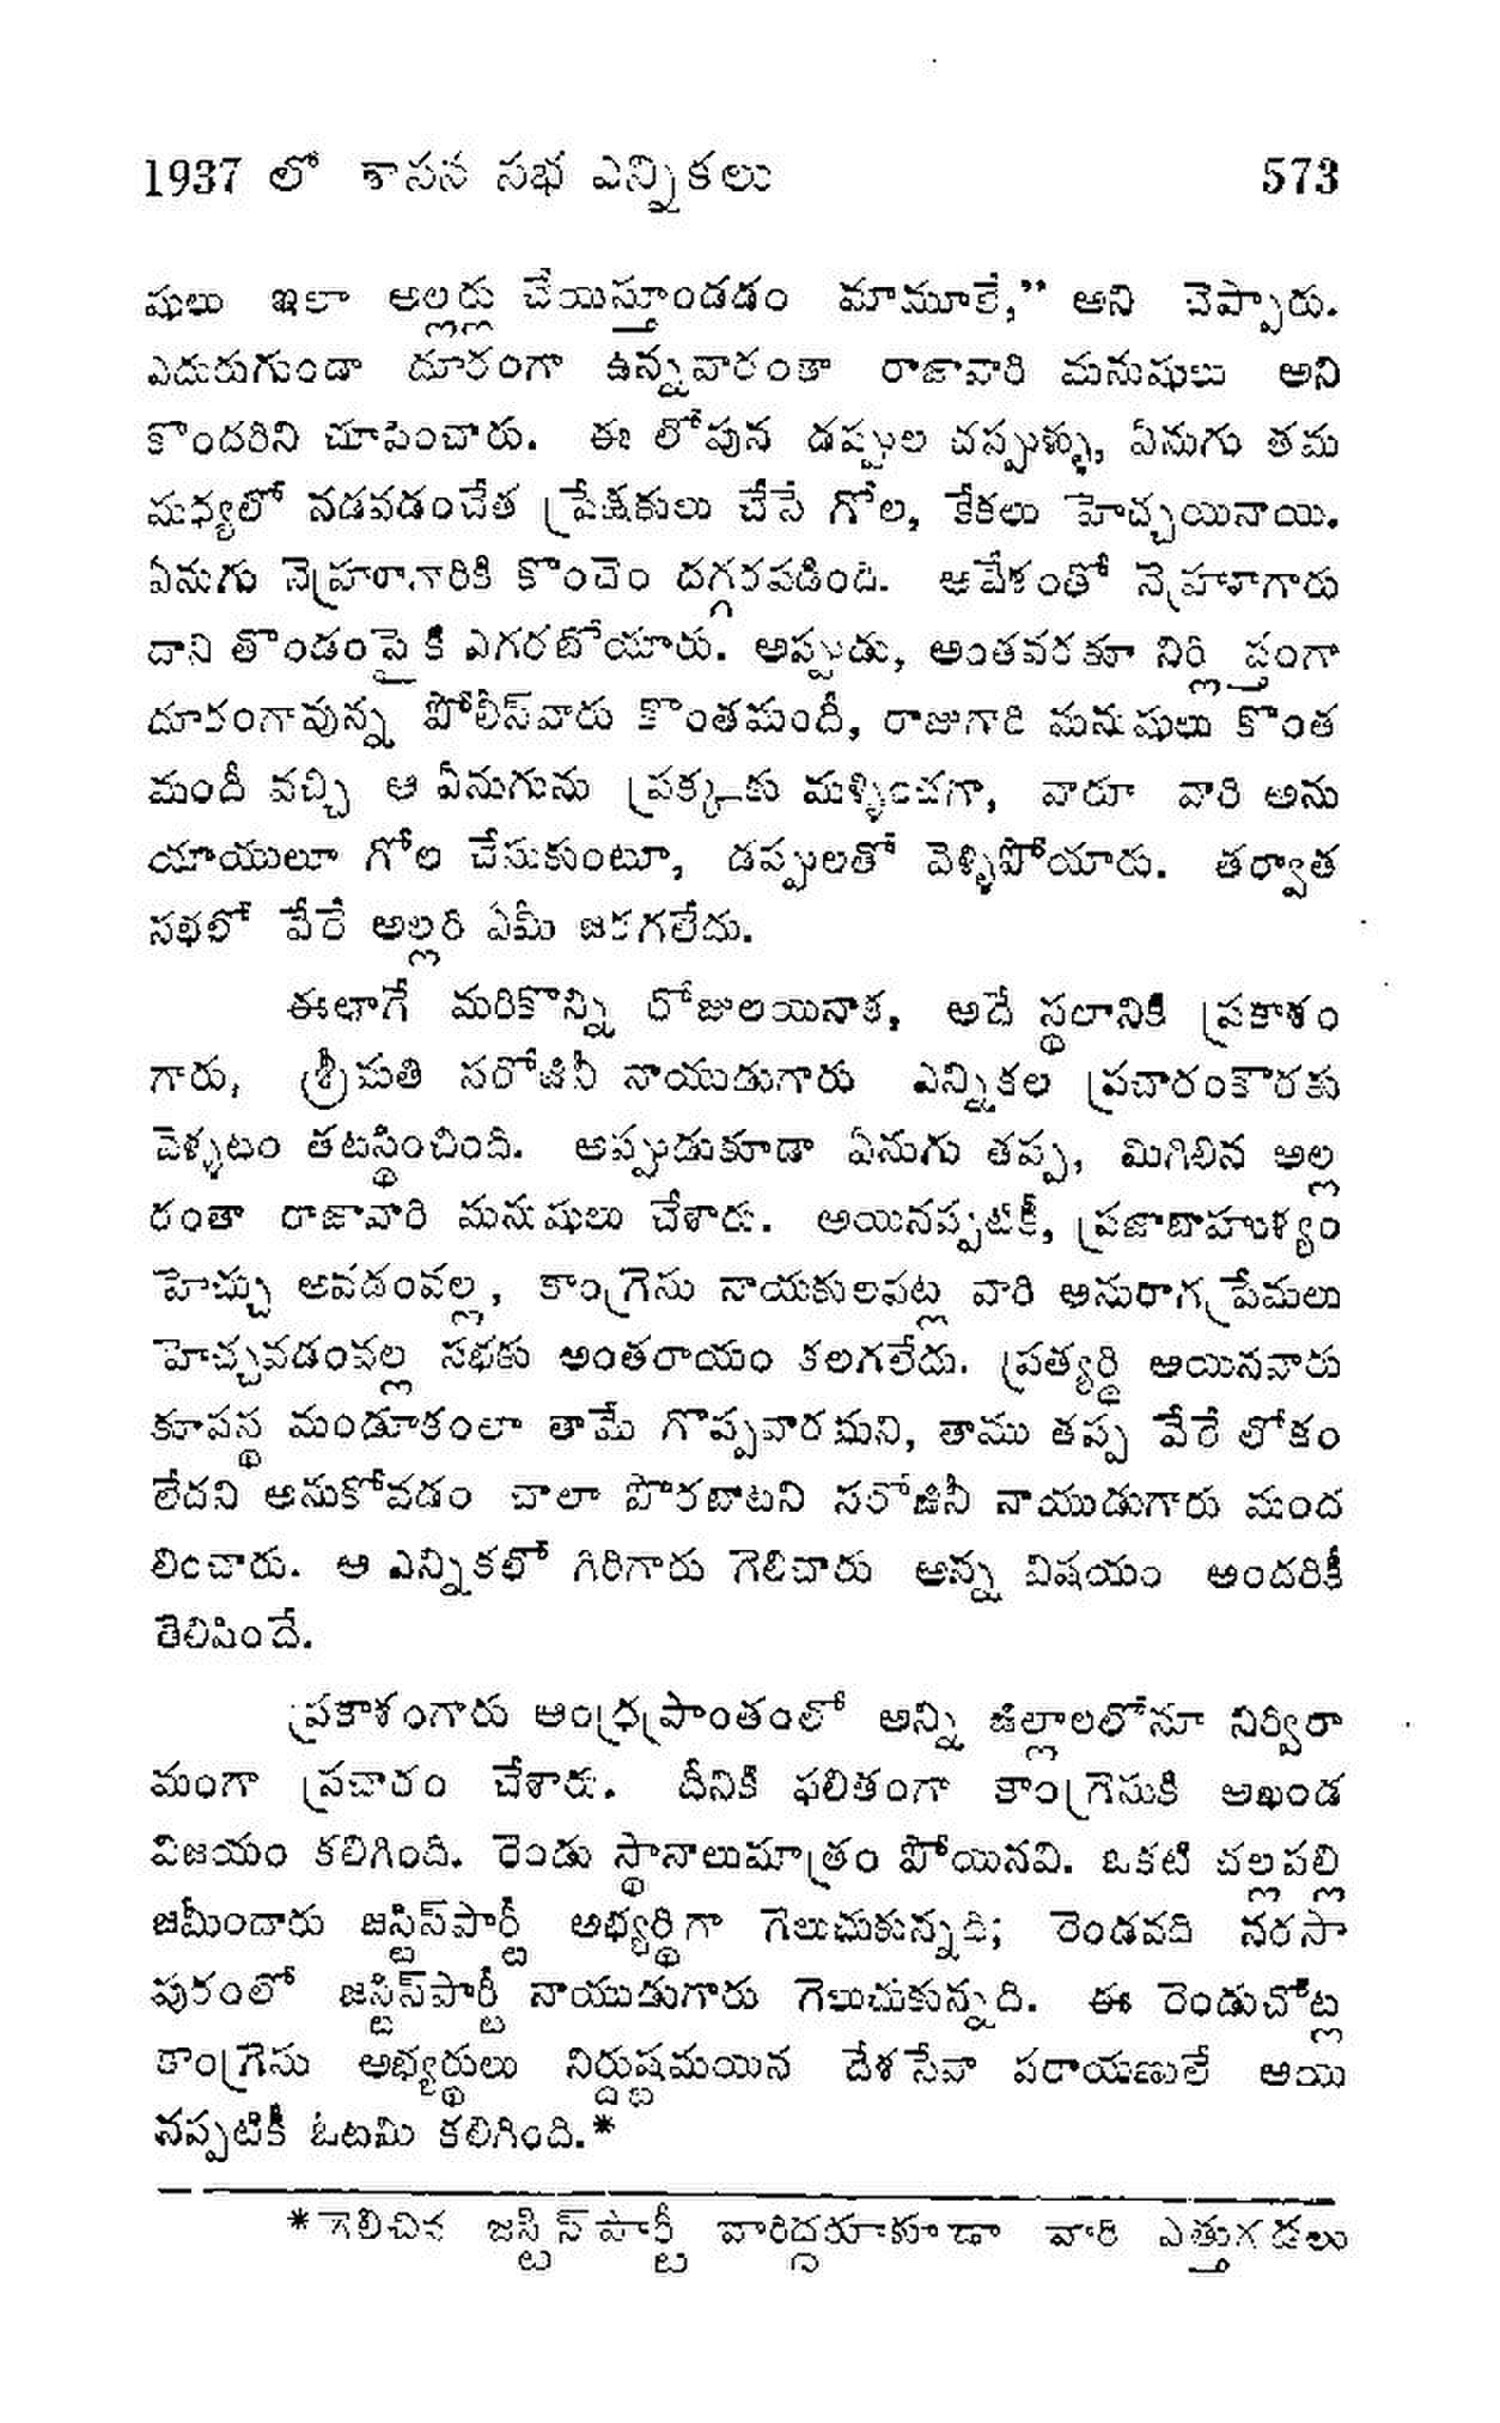షులు ఇలా అల్లర్లు చేయిస్తూండడం మామూలే," అని చెప్పారు. ఎదురుగుండా దూరంగా ఉన్నవారంతా రాజావారి మనుషులు అని కొందరిని చూపించారు. ఈ లోపున డప్పుల చప్పుళ్ళు, ఏనుగు తమ మధ్యలో నడవడంచేత ప్రేక్షకులు చేసే గోల, కేకలు హెచ్చయినాయి. ఏనుగు నెహ్రూగారికి కొంచెం దగ్గరపడింది. ఆవేశంతో నెహ్రూగారు దాని తొండంపైకి ఎగరబోయారు. అప్పుడు , అంతవరకూ నిర్లిప్తంగా దూరంగావున్న పోలీస్‌వారు కొంతమందీ, రాజుగారి మనుషులు కొంతమందీ వచ్చి ఆ ఏనుగును ప్రక్కకు మళ్ళించగా, వారూ వారి అనుయాయులూ గోల చేసుకుంటూ, డప్పులతో వెళ్ళిపోయారు. తర్వాత సభలో వేరే అల్లరి ఏమీ జరగలేదు.

ఈలాగే మరికొన్ని రోజులయినాక, అదే స్థలానికి ప్రకాశంగారు, శ్రీమతి సరోజినీ నాయుడు గారు ఎన్నికల ప్రచారంకొరకు వెళ్ళటం తటస్థించింది. అప్పుడుకూడా ఏనుగుతప్ప మిగిలిన అల్లరంతా రాజావారి మనుషులు చేశారు. అయినప్పటికీ, ప్రజా బాహుళ్యం హెచ్చు అవడంవల్ల, కాంగ్రెసు నాయకులపట్ల వారి అనురాగప్రేమలు హెచ్చవడంవల్ల సభకు అంతరాయం కలగలేదు. ప్రత్యర్థి అయినవారు కూపస్థ మండూకంలా తామే గొప్పవారమని, తాము తప్ప వేరే లోకం లేదని అనుకోవడం చాలా పొరబాటని సరోజినీ నాయుడుగారు మందలించారు. ఆ ఎన్నికలలో గిరిగారు గెలిచారు అన్న విషయం అందరికీ తెలిసిందే.

ప్రకాశంగారు ఆంధ్రప్రాంతంలో అన్ని జిల్లాలలోనూ నిర్విరామంగా ప్రచారం చేశారు. దీనికి ఫలితంగా కాంగ్రెసుకి అఖండ విజయం కలిగింది. రెండు స్థానాలుమాత్రం పోయినవి. ఒకటి చల్లపల్లి జమీందారు జస్టిస్‌పార్టీ అభ్యర్థిగా గెలుచుకున్నది; రెండవది నరసాపురంలో జస్టిస్‌పార్టీ నాయుడుగారు గెలుచుకున్నది. ఈ రెండుచోట్ల కాంగ్రెసు అభ్యర్థులు నిర్దుష్టమయిన దేశసేవా పరాయణులే అయినప్పటికీ ఓటమి కలిగింది.